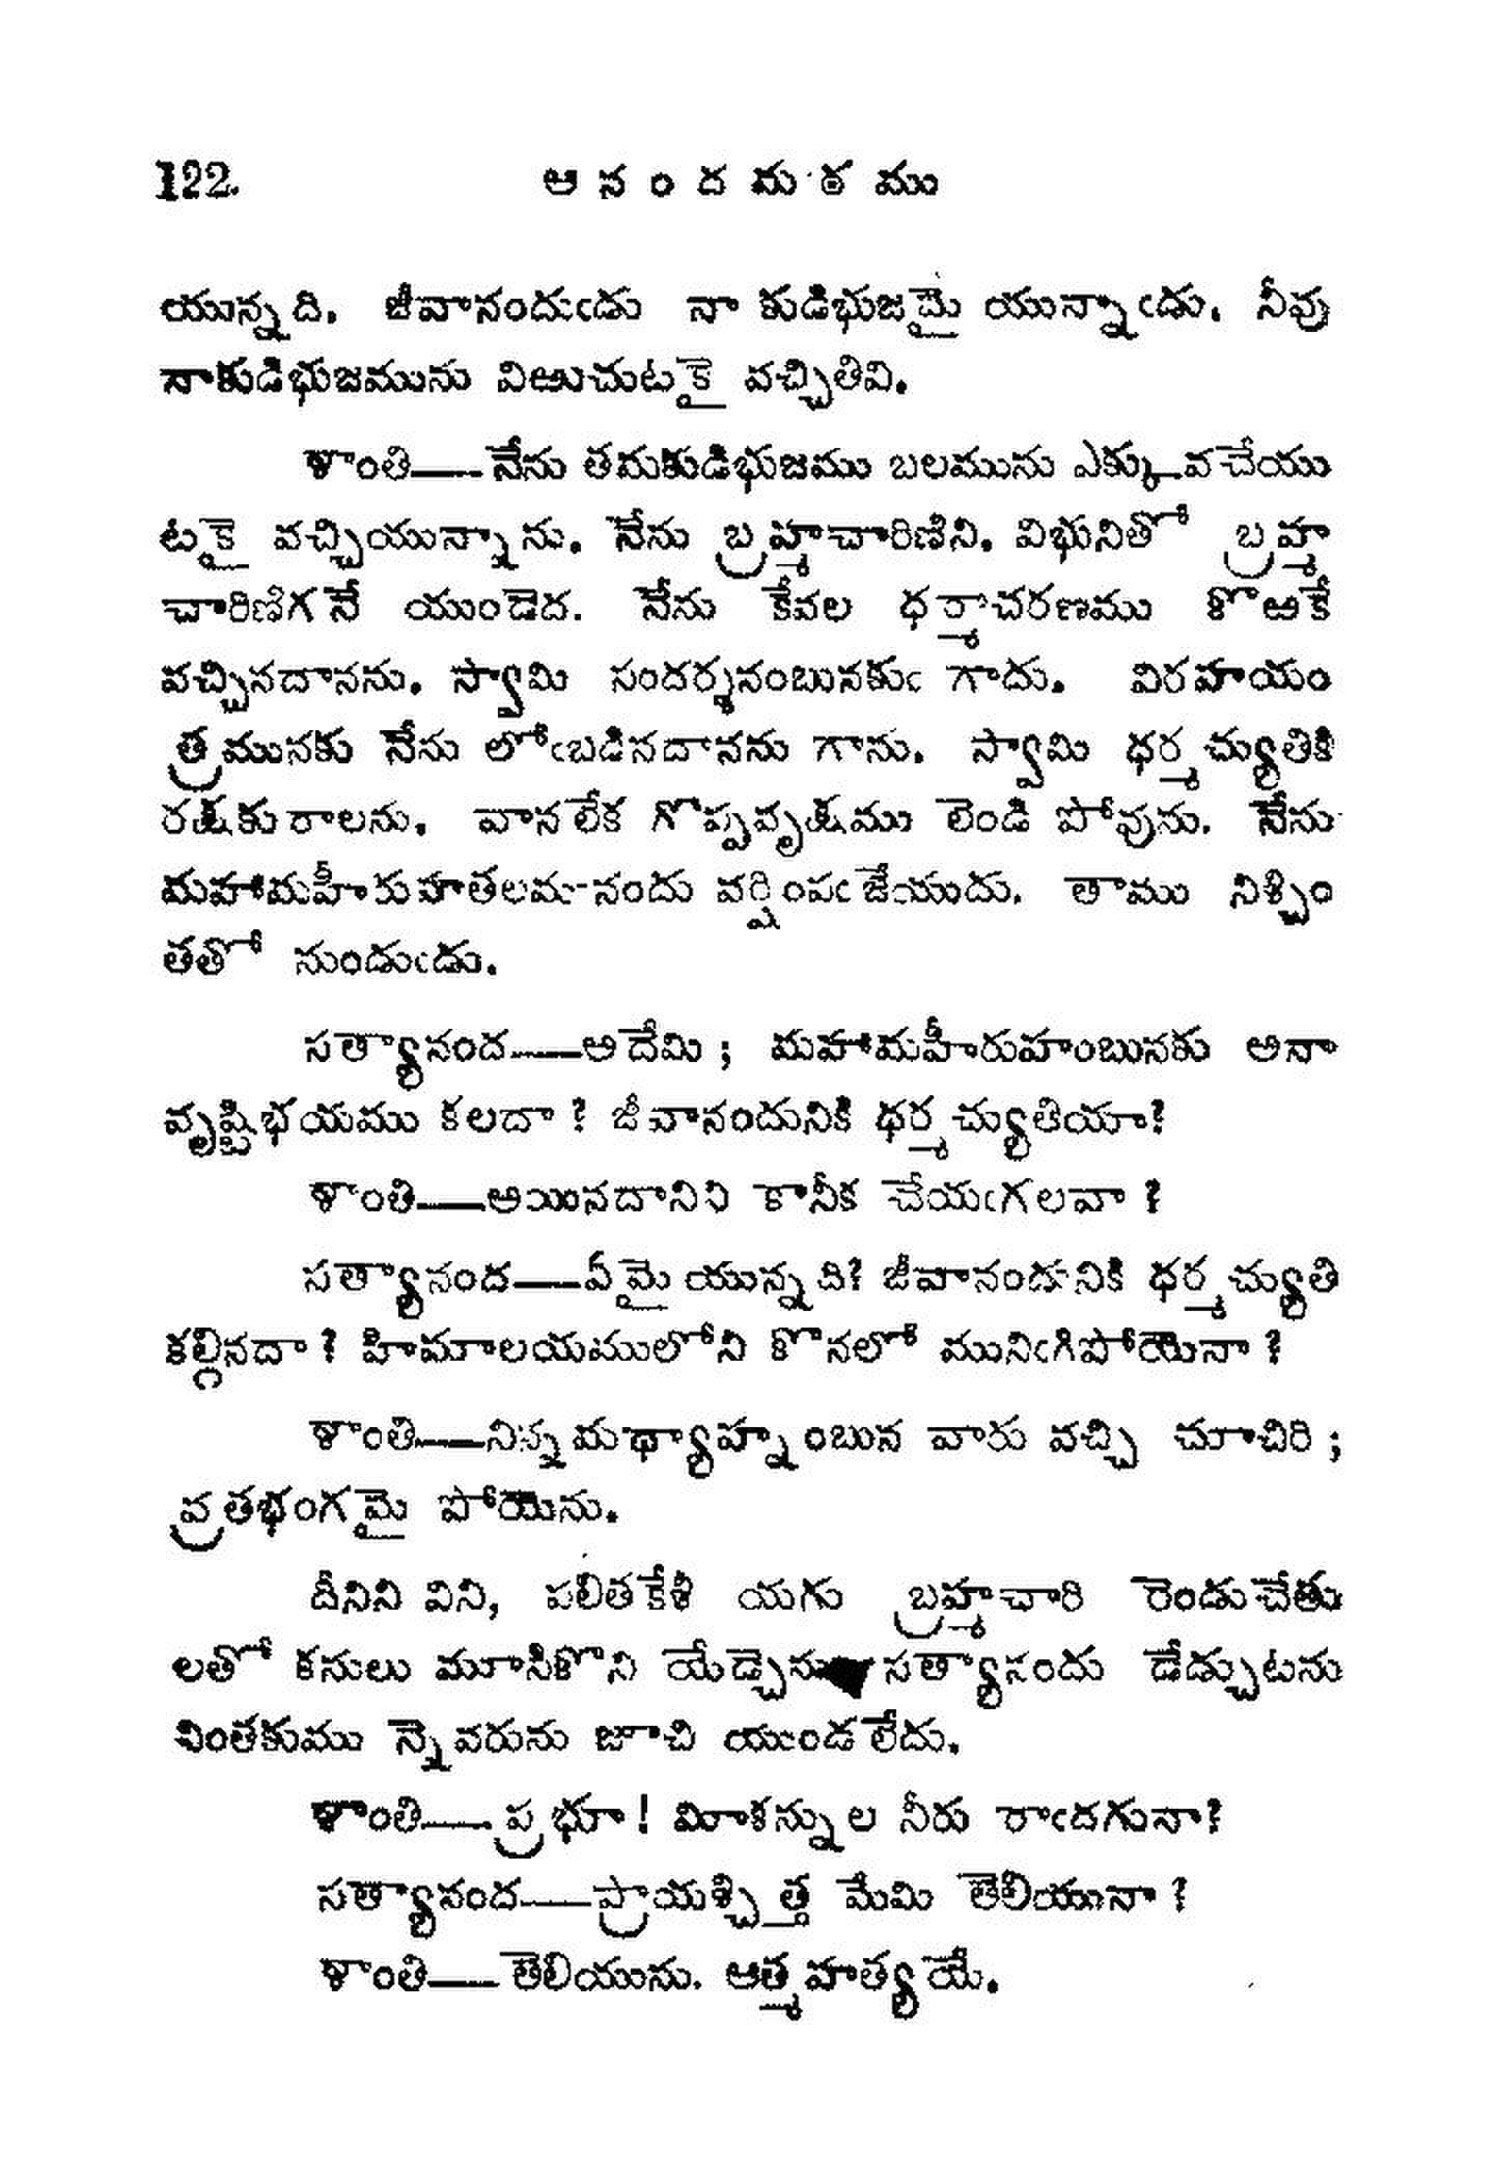యున్నది. జీవానందుఁడు నా కుడిభుజమై యున్నాఁడు. నీవు నాకుడిభుజమును విఱుచుటకై వచ్చితివి.

శాంతి——నేను తమకుడిభుజము బలమును ఎక్కువ చేయుటకై వచ్చియున్నాను. 'నేను బ్రహచారిణిని, విభునితో బ్రహ్మ
చారిణిగనే యుండెద. నేను కేవల ధర్మాచరణము కొఱకే వచ్చినదానను. స్వామి సందర్శనంబునకుఁ గాదు. విరహయం
త్రమునకు నేను లోఁబడినదానను గాను. స్వామి ధర్మచ్యుతికి రక్షకురాలను, వాన లేక గొప్పవృక్షము లెండి పోవును. నేను
మహామహీరుహతలము నందు వర్షింపఁ జేయుదు. తాము నిశ్చింతతో నుండుఁడు.

సత్యానంద——అదేమి ; మహామహీరుహంబునకు అనావృష్టి భయము కలదా ? జీవానందునికి ధర్మచ్యుతియా?

శాంతి—— అయినదానిని కానీక చేయఁగలవా?

సత్యానంద—— ఏమై యున్నది? జీవానందునికి ధర్మచ్యుతి కల్గినదా? హిమాలయములోని కొనలో మునిఁగిపోయెనా ?

శాంతి—— నిన్న మధ్యాహ్నంబున వారు వచ్చి చూచిరి; వ్రతభంగమై పోయెను.

దీనిని విని, పలిత కేశి యగు బ్రహ్మచారి రెండు చేతులతో కనులు మూసికొని యేడ్చెను. సత్యానందు డేడ్చుటను
చింతకుము న్నెవరును జూచి యుండ లేదు.

శాంతి——ప్రభూ! మీకన్ను ల నీరు రాఁదగునా?

సత్యానంద—— ప్రాయశ్చిత్త మేమి తెలియునా ?

శాంతి——తెలియును. ఆత్మహత్య యే.